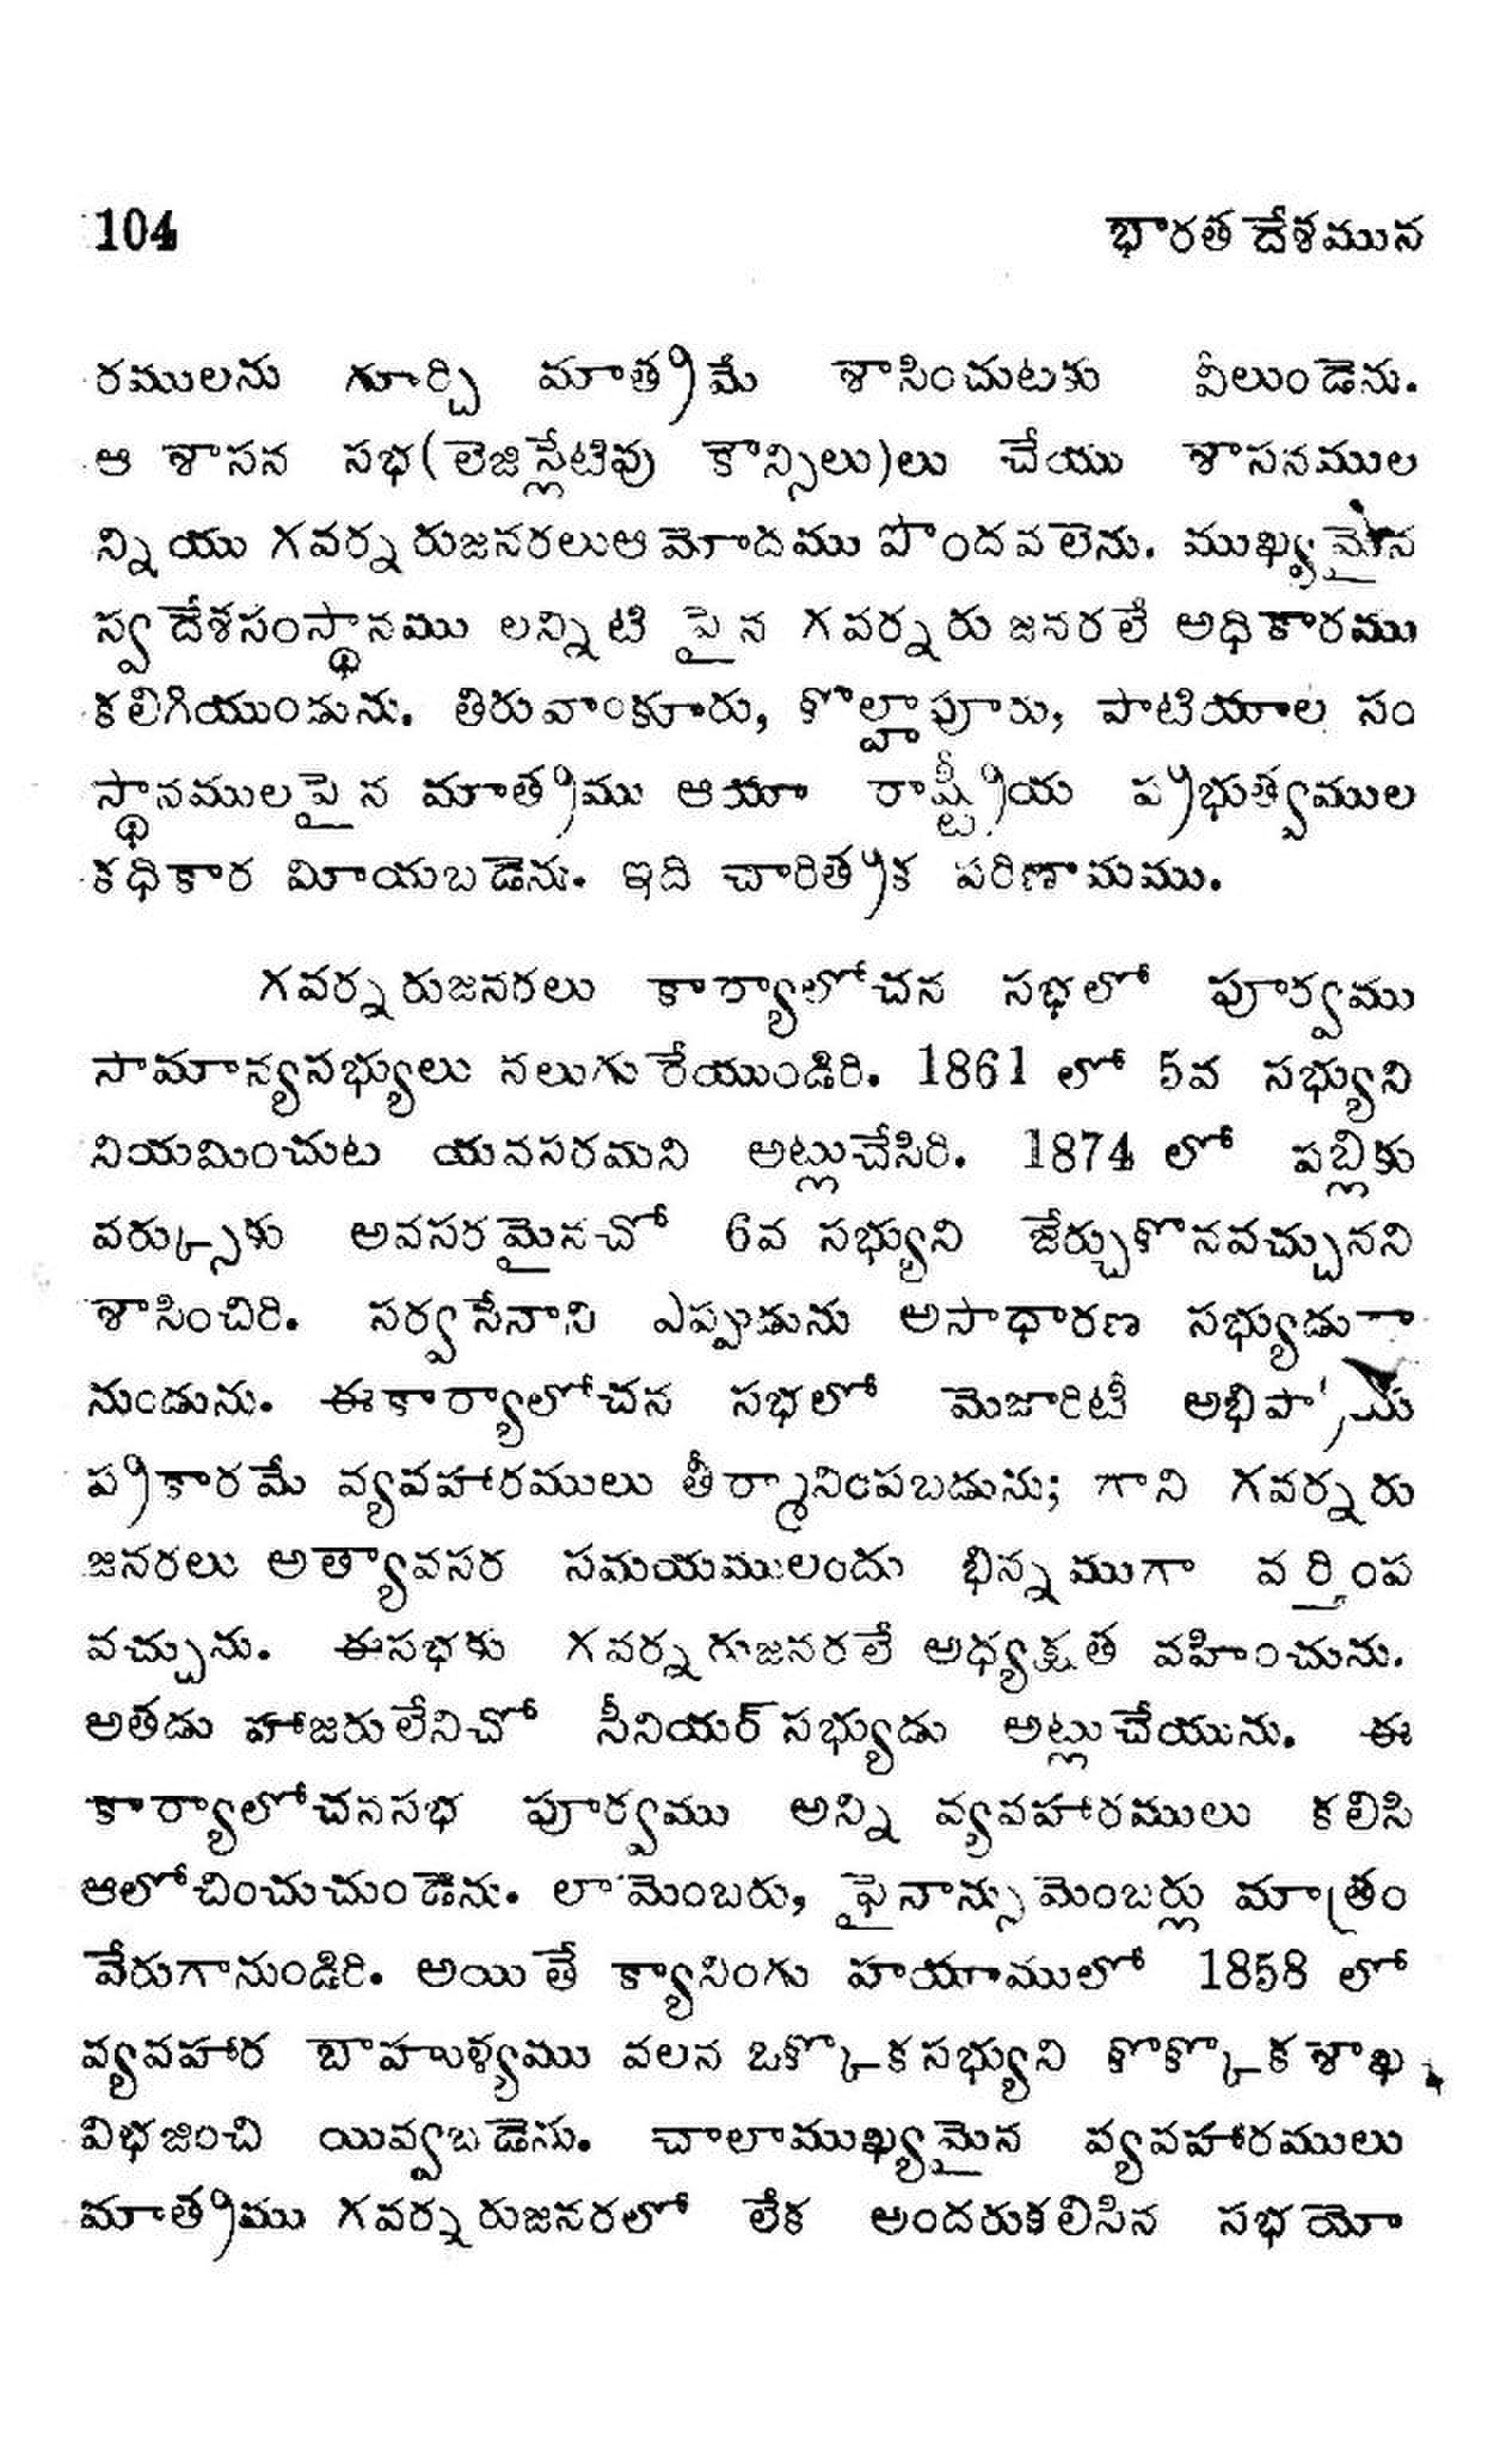రములను గూర్చి మాత్రమే శాసించుటకు వీలుండెను. ఆ శాసన సభ( లెజిస్లేటివు కౌన్సిలు)లు చేయు శాసనములన్నియు గవర్నరుజనరలుఆమోదము పొందవలెను. ముఖ్యమైన స్వదేశసంస్థానము లన్నిటి పైన గవర్నరు జనరలే అధికారము కలిగియుండును. తిరువాంకూరు, కొల్హాపూరు, పాటియాల సంస్థానములపైన మాత్రము ఆయా రాష్ట్రీయ ప్రభుత్వముల కధికార మీయబడెను. ఇది చారిత్రక పరిణామము.

గవర్నరుజనరలు కార్యాలోచన సభలో పూర్వము సామాన్యసభ్యులు నలుగు రేయుండిరి. 1861 లో 5వ సభ్యుని నియమించుట యవసరమని అట్లుచేసిరి. 1874 లో పబ్లికు వర్క్సుకు అవసరమైనచో 6వ సభ్యుని జేర్చుకొనవచ్చునని శాసించిరి. సర్వసేనాని ఎప్పుడును అసాధారణ సభ్యుడుగా నుండును. ఈకార్యాలోచన సభలో మెజారిటీ అభిప్రాయ ప్రకారమే వ్యవహారములు తీర్మానింపబడును; గాని గవర్నరు జనరలు అత్యావసర సమయములందు భిన్నముగా వర్తింపవచ్చును. ఈసభకు గవర్నరుజనరలే అధ్యక్షత వహించును. అతడు హాజరులేనిచో సీనియర్ సభ్యుడు అట్లుచేయును. ఈ కార్యాలోచనసభ పూర్వము అన్ని వ్యవహారములు కలిసి ఆలోచించుచుండెను. లా మెంబరు, ఫైనాన్సు మెంబర్లు మాత్రం వేరుగానుండిరి. అయితే క్యానింగు హయాములో 1858 లో వ్యవహార బాహుళ్యము వలన ఒక్కొక సభ్యుని కొక్కొకశాఖ విభజించి యివ్వబడెను. చాలాముఖ్యమైన వ్యవహారములు మాత్రము గవర్నరుజనరలో లేక అందరుకలిసిన సభయో